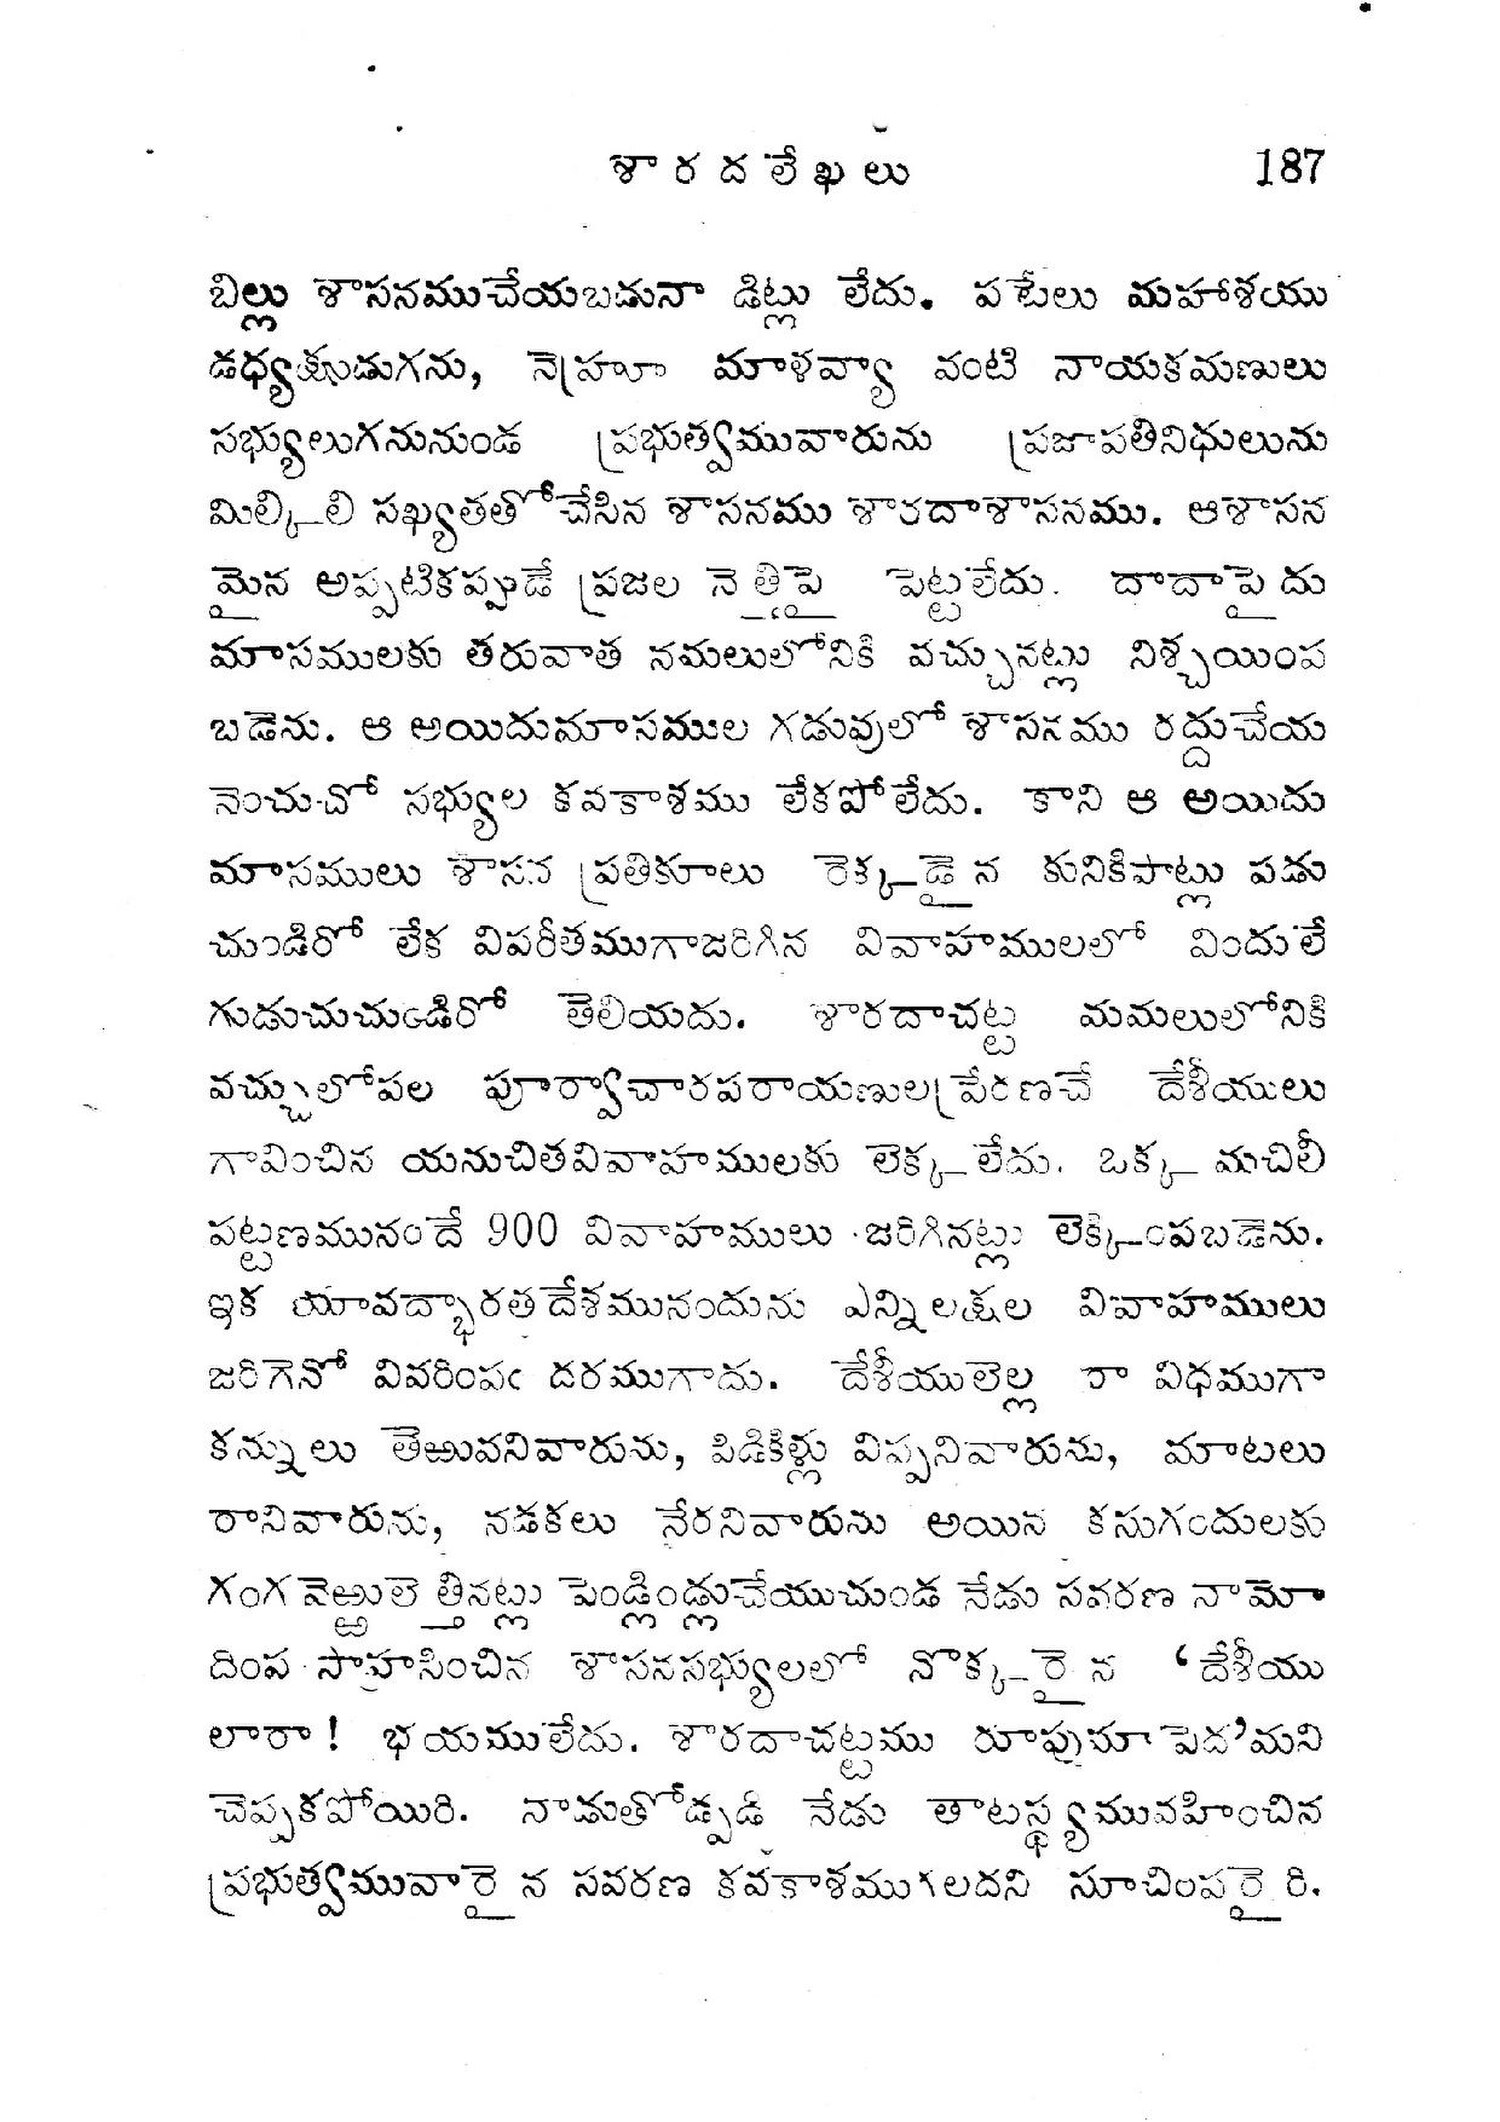బిల్లు శాసనముచేయబడునా డిట్లు లేదు. పటేలు మహాశయు డధ్యక్షుడుగను, నెహ్రూ మాళవ్యా వంటి నాయకమణులు సభ్యులుగనునుండ ప్రభుత్వమువారును ప్రజాపతినిధులును మిల్కిలి సఖ్యతతోచేసిన శాసనము శారదాశాసనము. ఆశాసన మైన అప్పటికప్పుడే ప్రజల నెత్తిపై పెట్టలేదు. దాదాపైదు
మాసములకు తరువాత నమలులోనికి వచ్చునట్లు నిశ్చయింపబడెను. ఆ అయిదుమాసముల గడువులో శాసనము రద్దుచేయ నెంచుచో సభ్యుల కవకాశము లేకపోలేదు. కాని ఆ అయిదు మాసములు శాసన ప్రతికూలు రెక్కడైన కునికిపాట్లు పడుచుండిరో లేక విపరీతముగాజరిగిన వివాహములలో విందులే
గుడుచుచుఁడిరో తెలియదు. శారదాచట్ట మమలులోనికి వచ్చులోపల పూర్వాచారపరాయణులప్రేరణచే దేశీయులు గావించిన యనుచితవివాహములకు లెక్కలేదు. ఒక్క మచిలీపట్టణమునందే 900 వివాహములు జరిగినట్లు లెక్కింపబడెను. ఇక యావద్భారతదేశమునందును ఎన్నిలక్షల వివాహములు జరిగెనో వివరింపఁ దరముగాదు. దేశీయులెల్ల రా విధముగా కన్నులు తెఱువనివారును, పిడికిళ్లు విప్పనివారును, మాటలు
రానివారును, నడకలు నేరనివారును అయిన కసుగందులకు గంగవెఱ్ఱులెత్తినట్లు పెండ్లిండ్లుచేయుచుండ నేడు సవరణ నామోదింప సాహసించిన శాసనసభ్యులలో నొక్కరైన 'దేశీయులారా ! భయములేదు. శారదాచట్టము రూపుమాపెద'మని చెప్పకపోయిరి. నాడుతోడ్పడి నేడు తాటస్థ్యమువహించిన
ప్రభుత్వమువారైన సవరణ కవకాశముగలదని సూచింపరైరి.